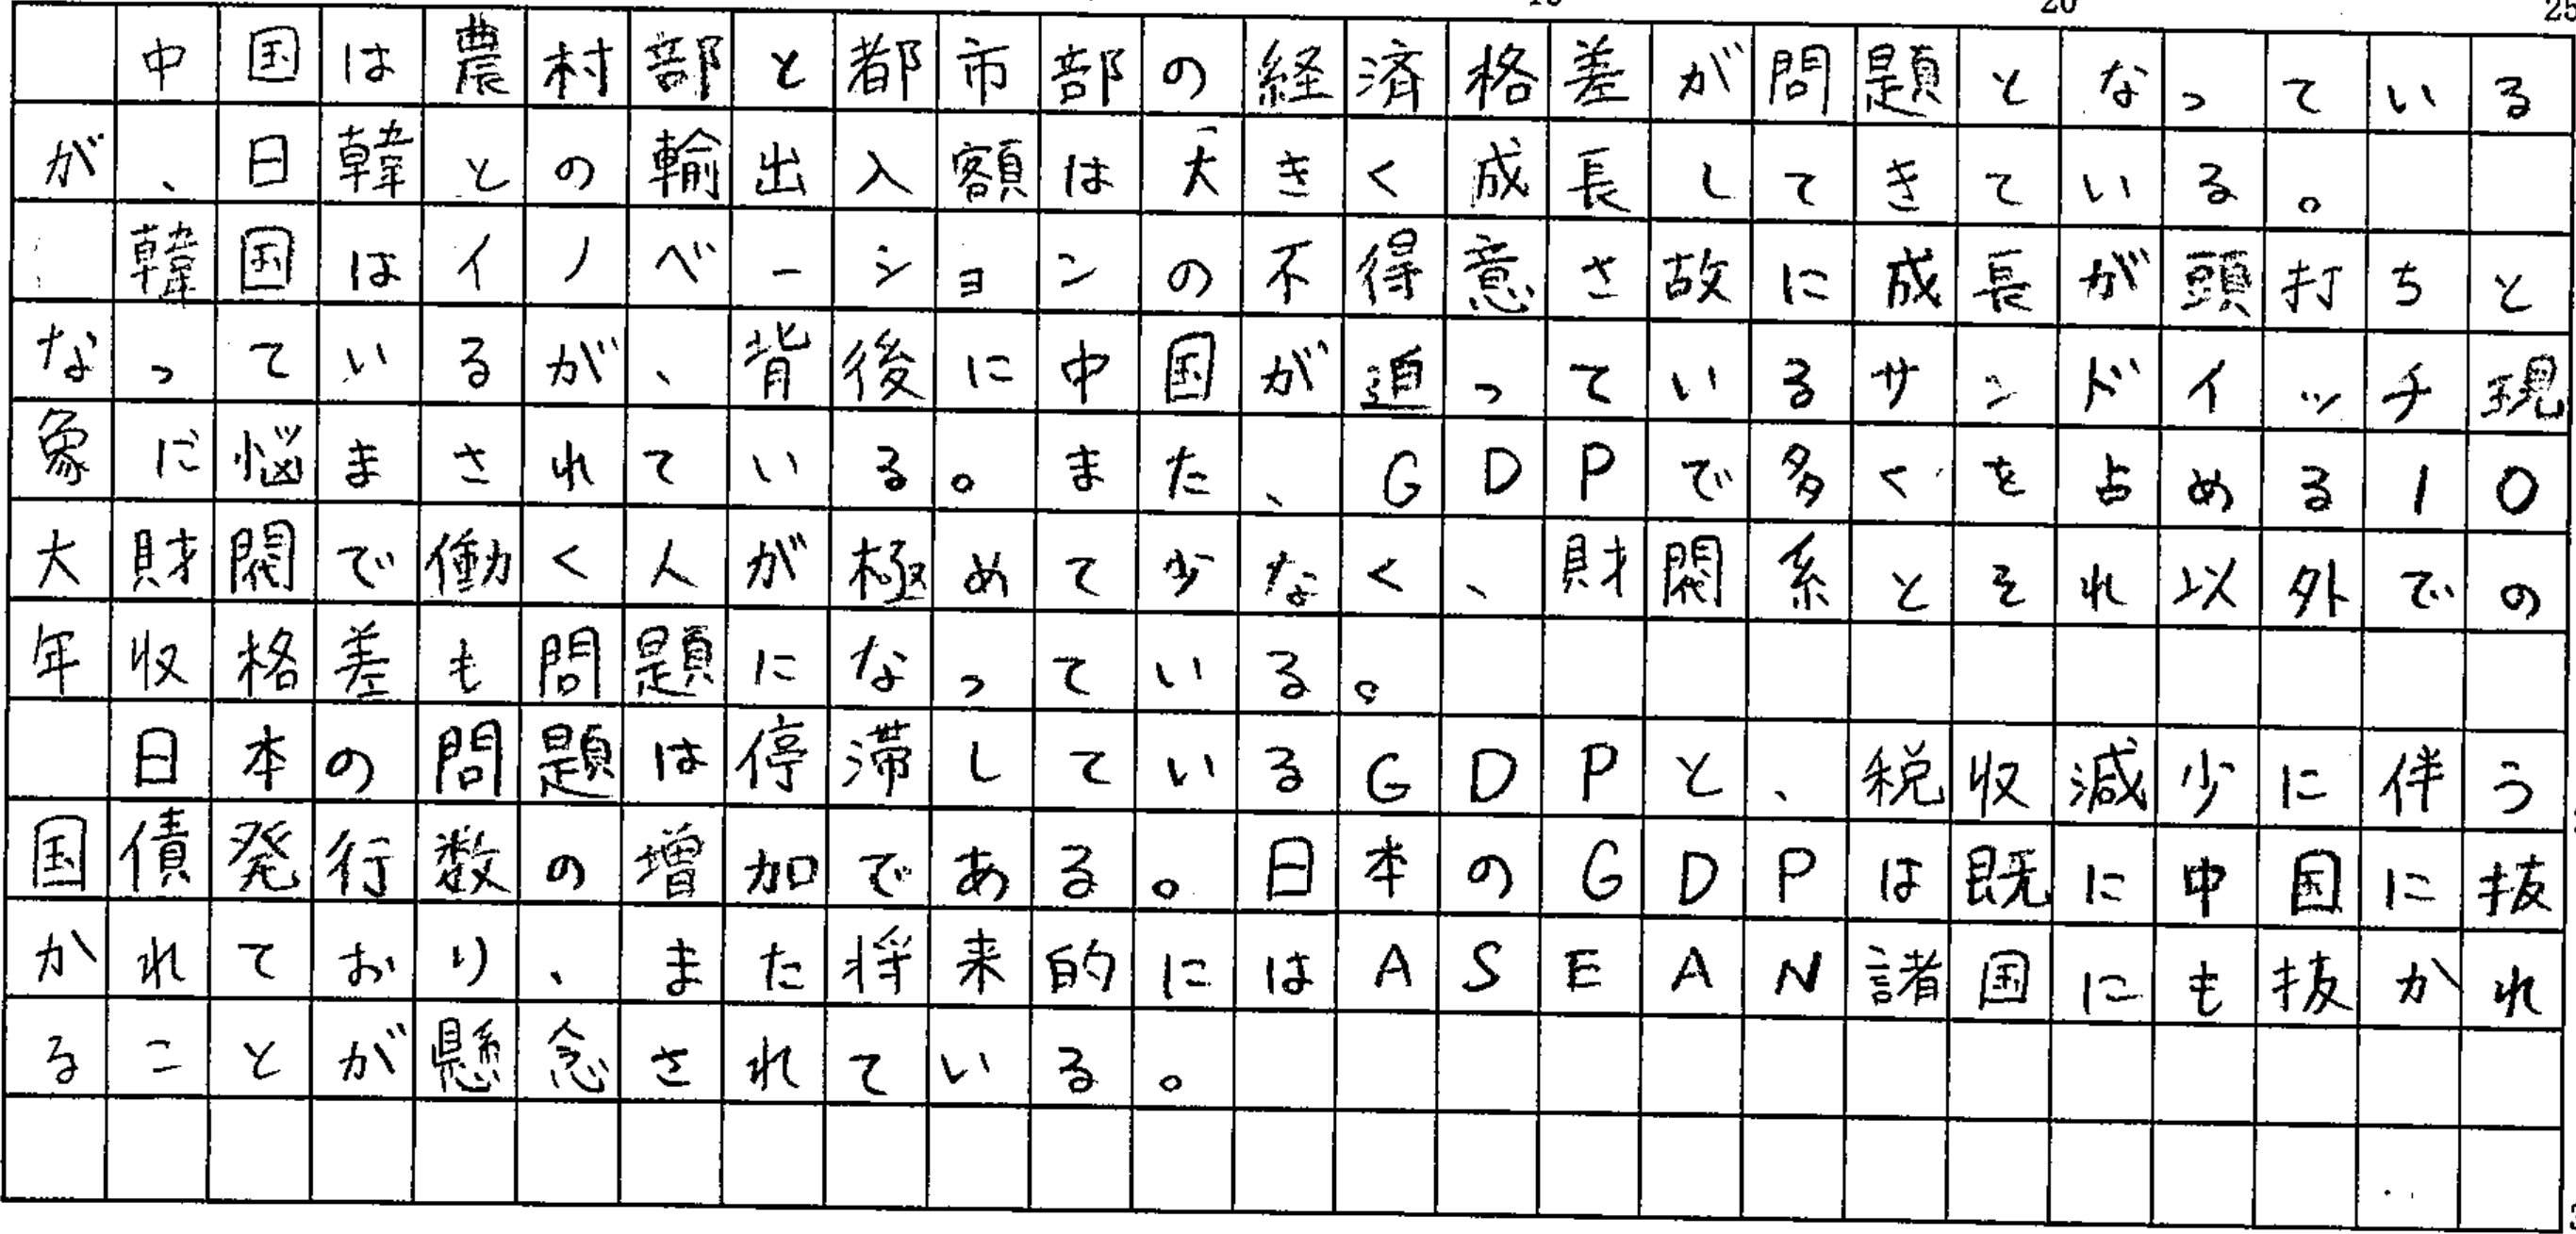　中国は農村部と都市部の経済格差が問題となっているが、日韓との輸出入額は大きく成長してきている。
　韓国はイノベーションの不得意さ故に成長が頭打ちとなっているが、背後に中国が迫っているサンドイッチ現象に悩まされている。また、ＧＤＰで多くを占める１０大財閥で働く人が極めて少なく、財閥系とそれ以外での年収格差も問題になっている。
　日本の問題は停滞しているＧＤＰと、税収減少に伴う国債発行数の増加である。日本のＧＤＰは既に中国に抜かれており、また将来的にはＡＳＥＡＮ諸国にも抜かれることが懸念されている。
